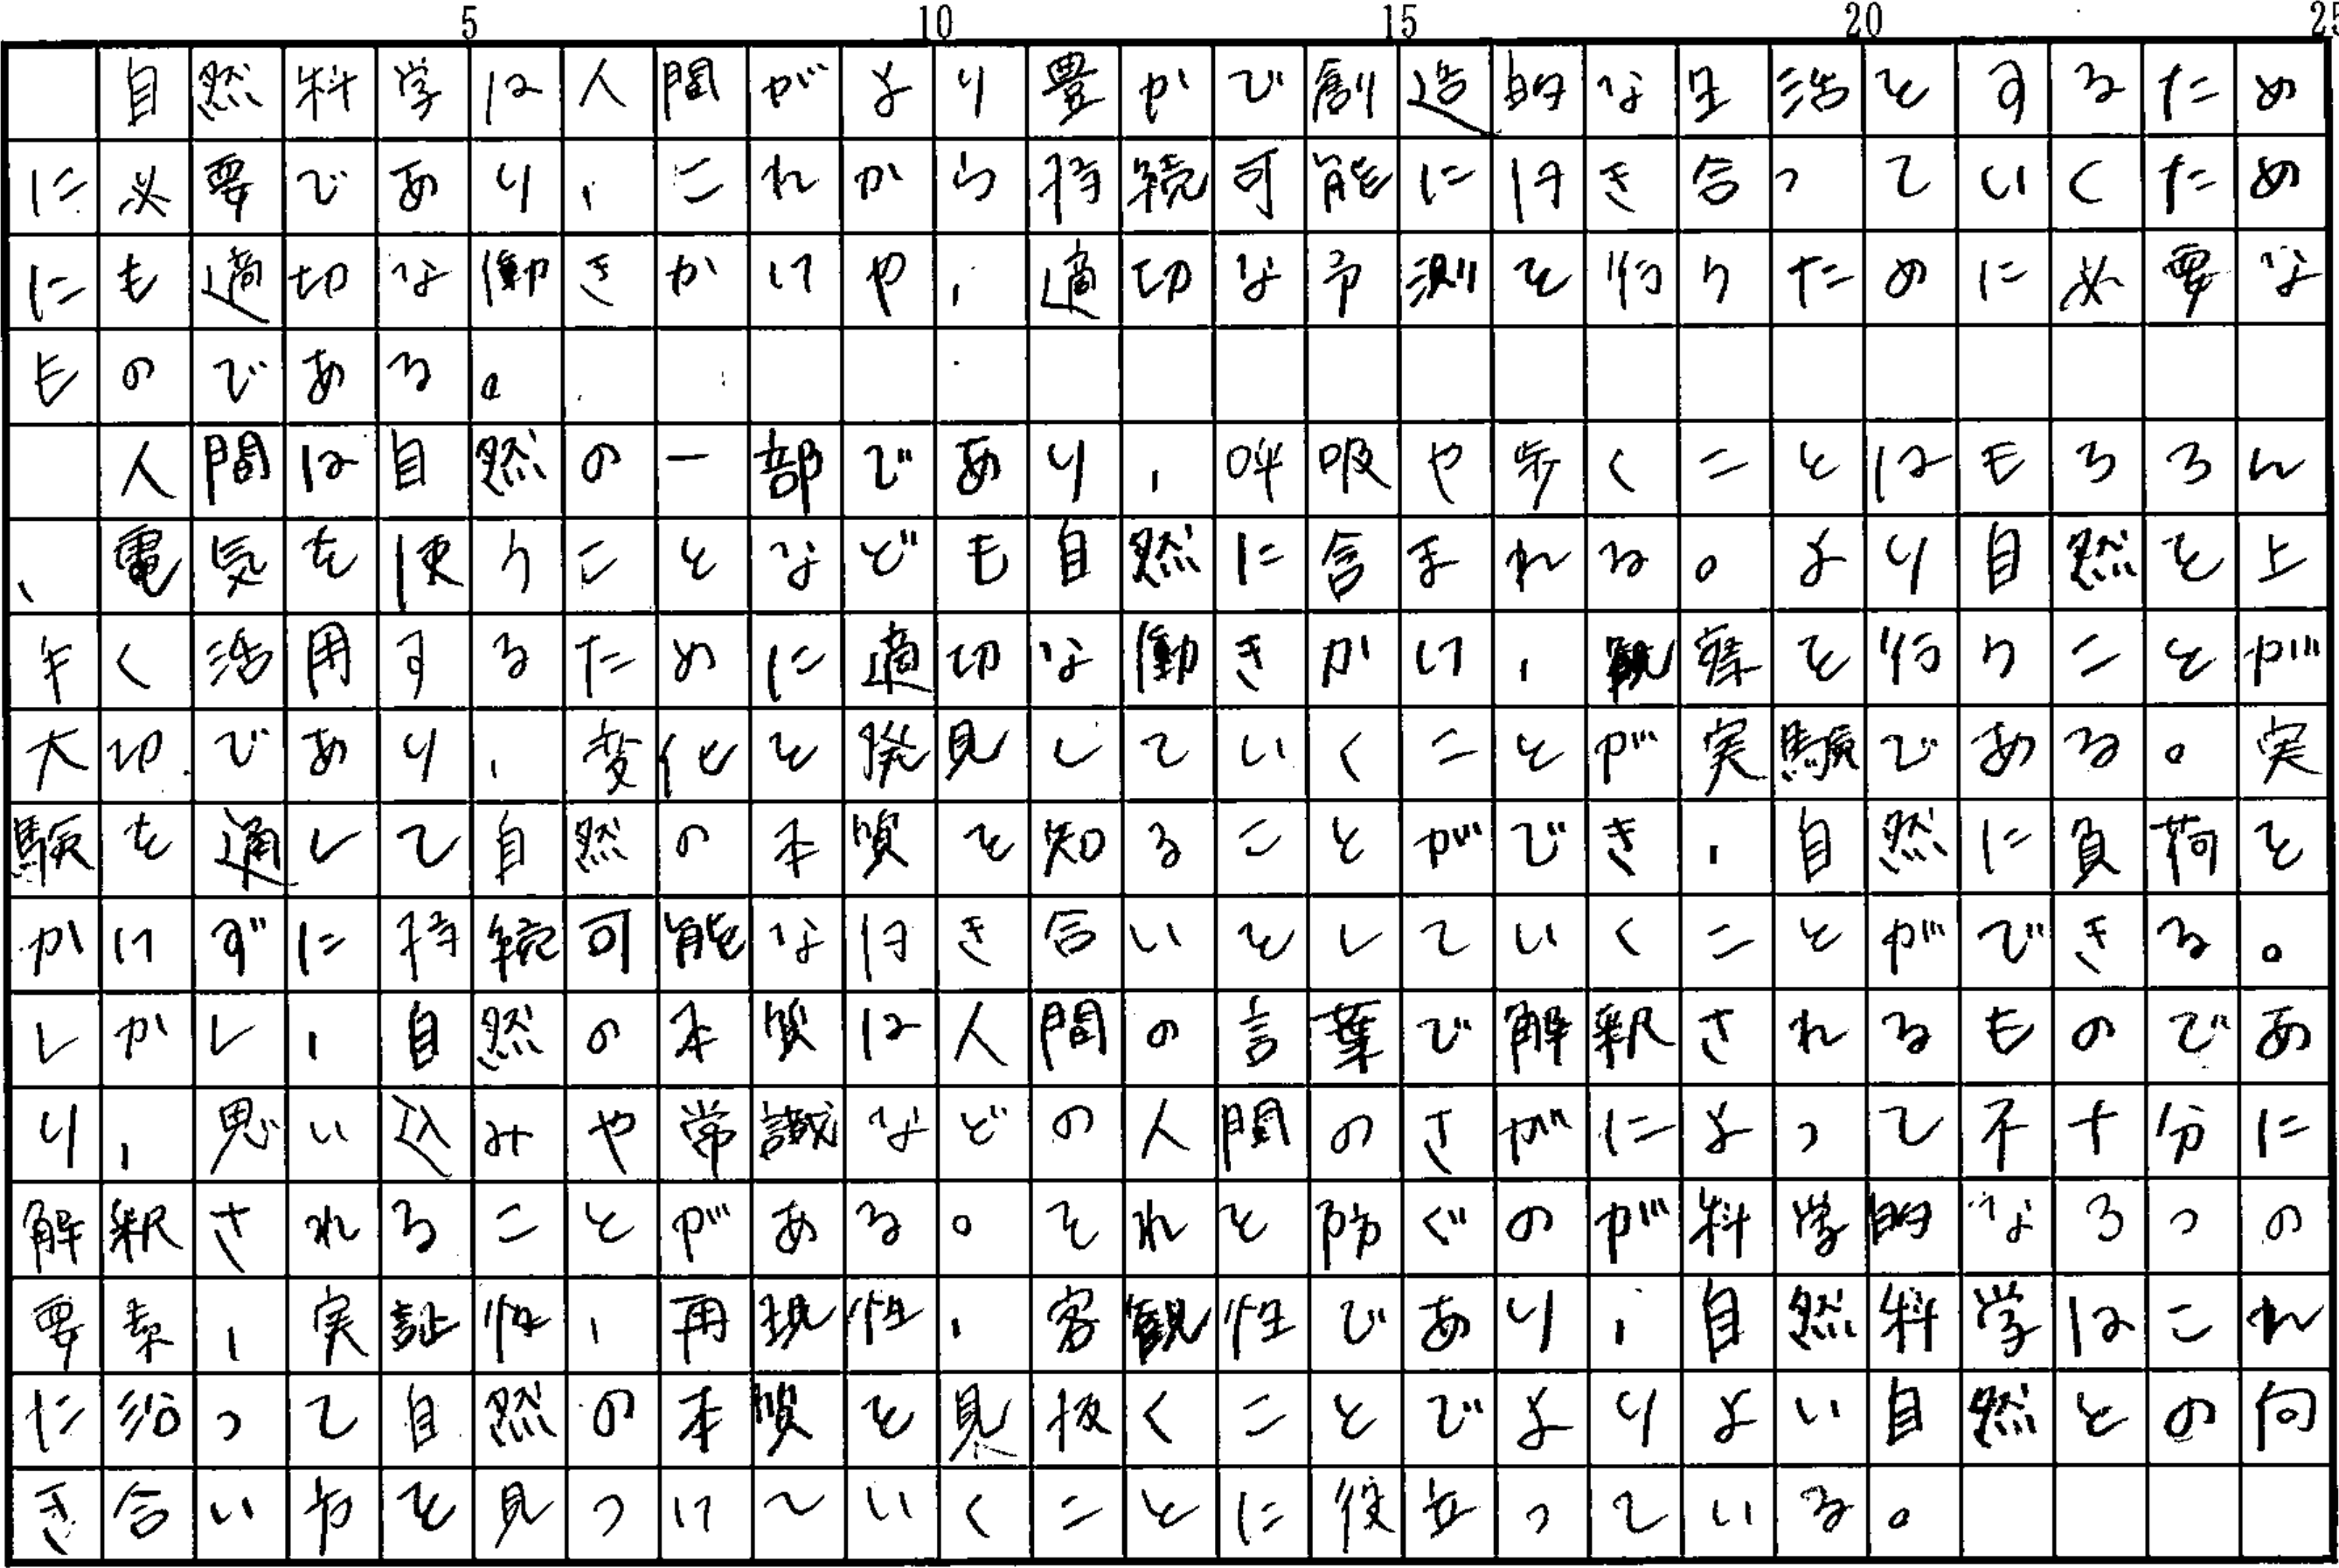　自然科学は人間がより豊かで創造的な生活をするために必要であり、これから持続可能に付き合っていくためにも適切な働きかけや、適切な予測を行うために必要なものである。
　人間は自然の一部であり、呼吸や歩くことはもちろん、電気を使うことなども自然に含まれる。より自然を上手く活用するために適切な働きかけ、観察を行うことが大切であり、変化を発見していくことが実験である。実験を通して自然の本質を知ることができ、自然に負荷をかけずに持続可能な付き合いをしていくことができる。しかし、自然の本質は人間の言葉で解釈されるものであり、思い込みや常識などの人間のさがによって不十分に解釈されることがある。それを防ぐのが科学的な３つの要素、実証性、再現性、客観性であり、自然科学はこれに沿って自然の本質を見抜くことでよりよい自然との向き合い方を見つけていくことに役立っている。
